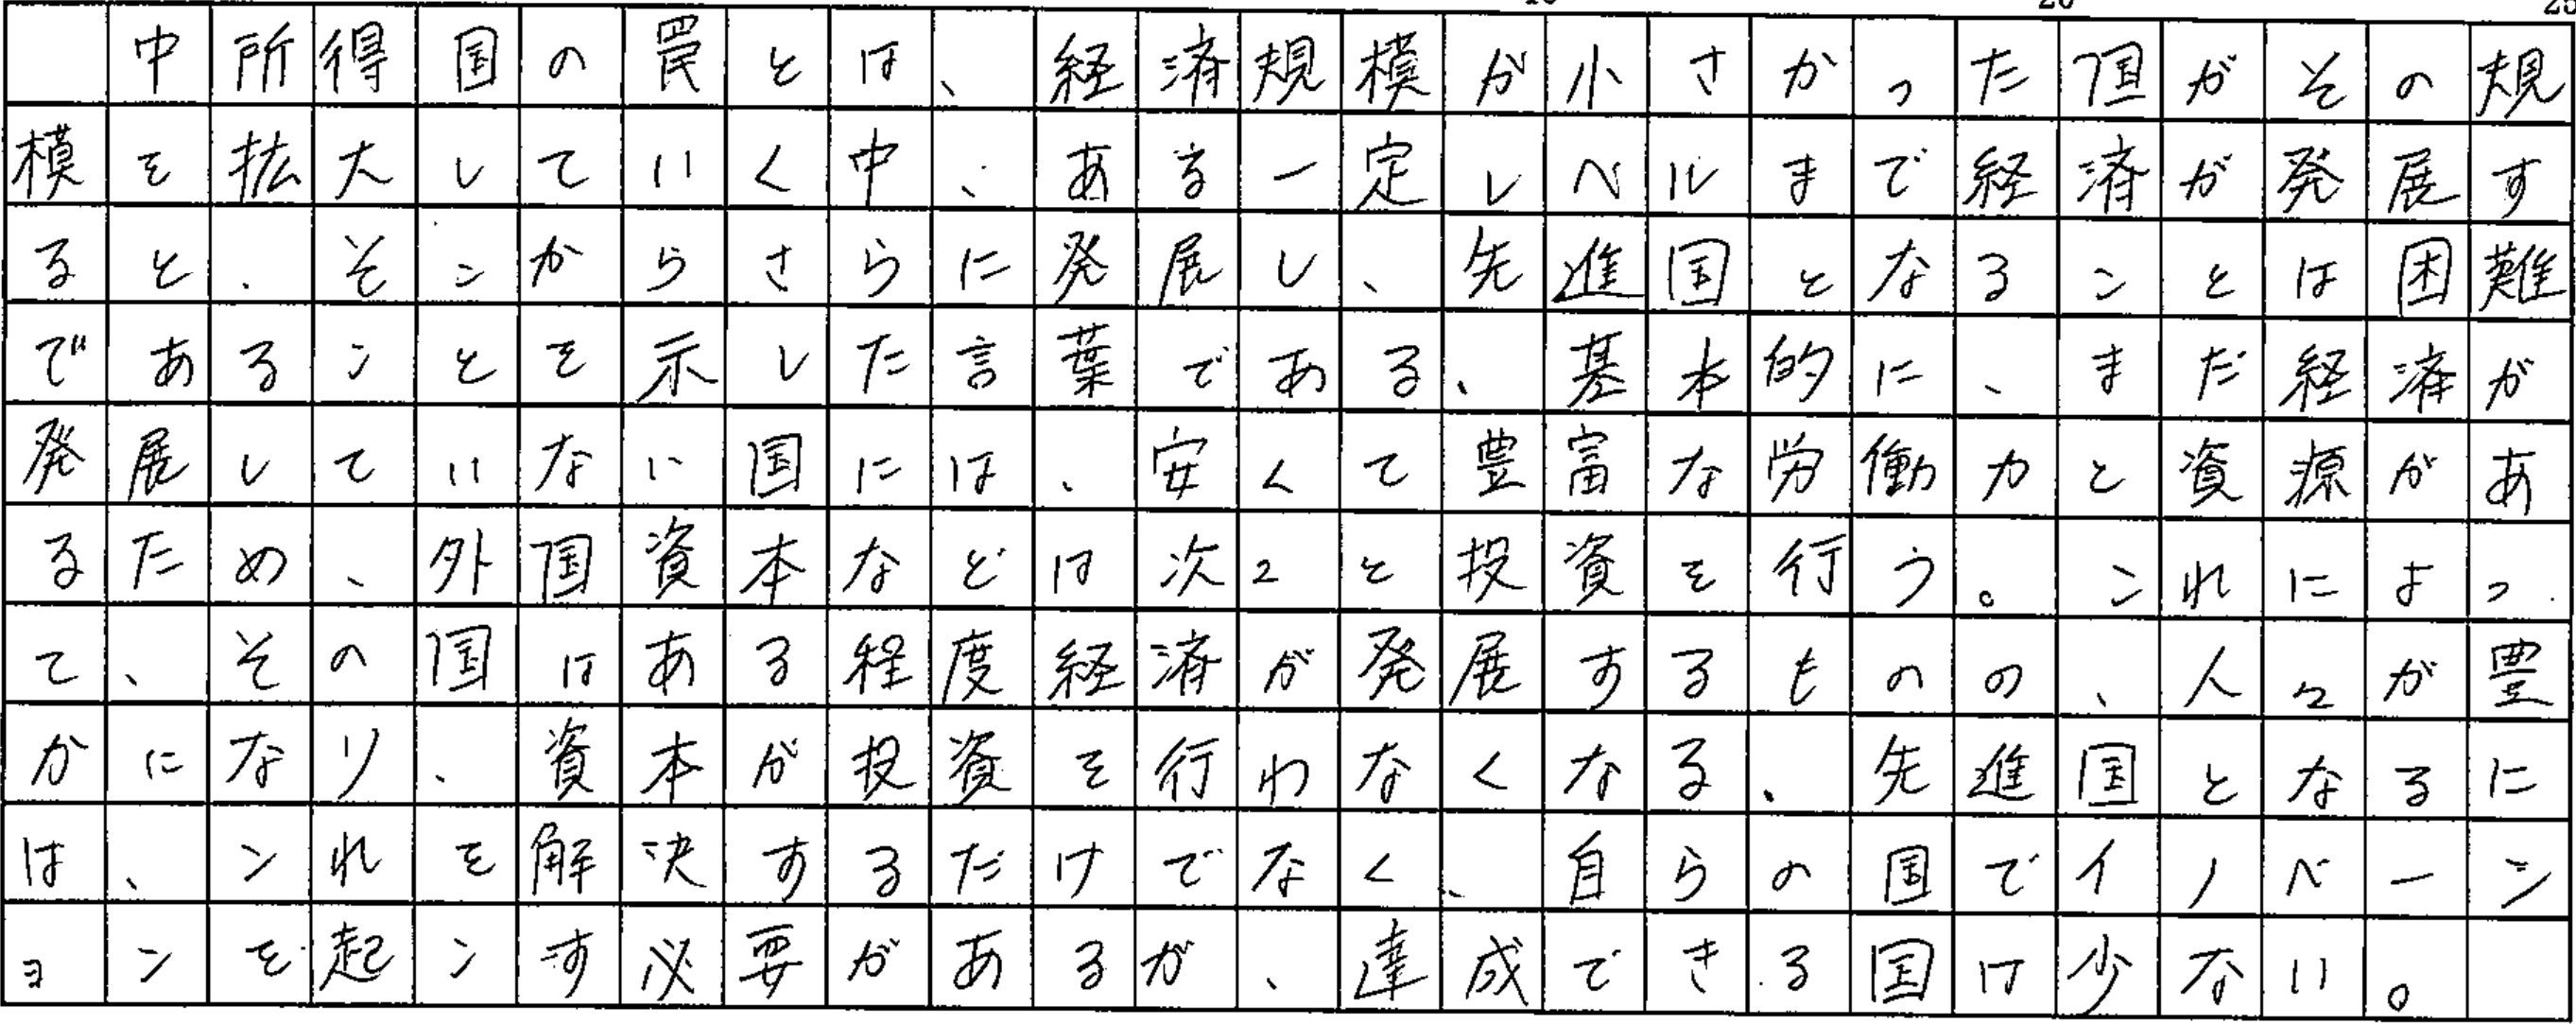　中所得国の罠とは、経済規模が小さかった国がその規模を拡大していく中、ある一定レベルまで経済が発展すると、そこからさらに発展し、先進国となることは困難であることを示した言葉である。基本的に、まだ経済が発展していない国には、安くて豊富な労働力と資源があるため、外国資本などは次々と投資を行う。これによって、その国はある程度経済が発展するものの、人々が豊かになり、資本が投資を行わなくなる。先進国となるには、これを解決するだけでなく、自らの国でイノベーションを起こす必要があるが、達成できる国は少ない。
